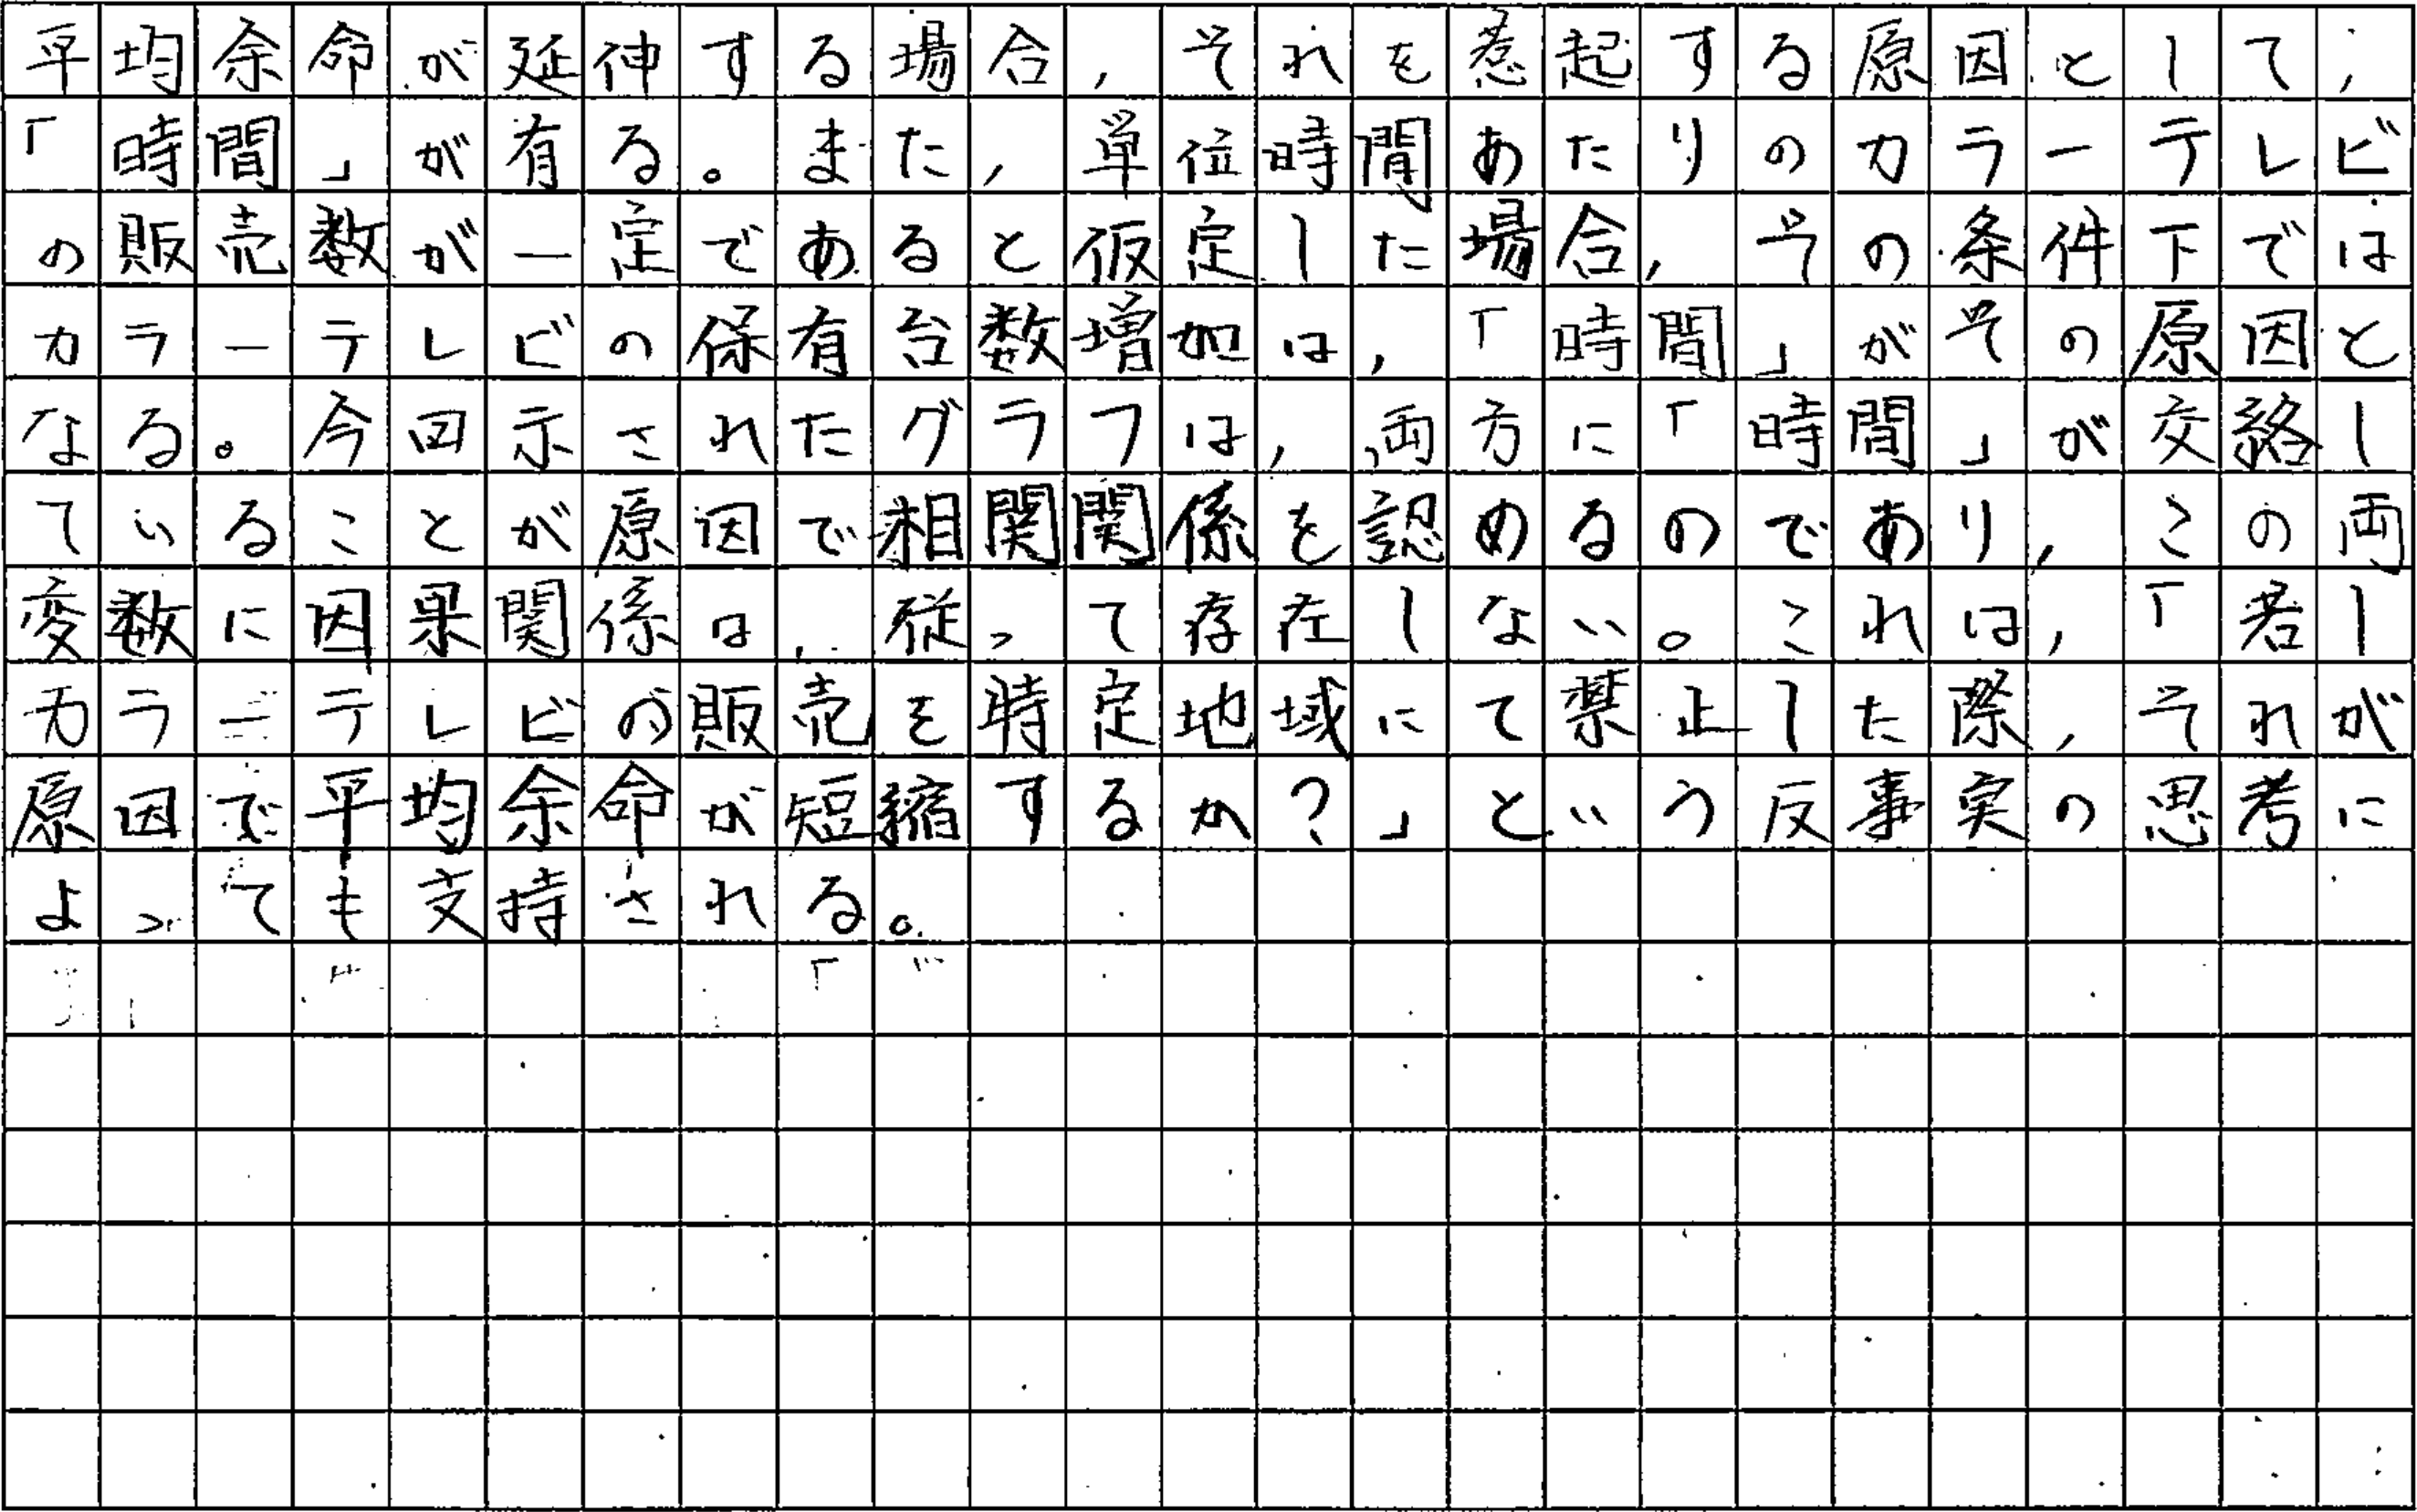平均余命が延伸する場合、それを惹起する原因として、「時間」が有る。また、単位時間あたりのカラーテレビの販売数が一定であると仮定した場合、その条件下ではカラーテレビの保有台数増加は、「時間」がその原因となる。今回示されたグラフは、両方に「時間」が交絡していることが原因で相関関係を認めるのであり、この両変数に因果関係は、従って存▁しない。これは、「若しカラーテレビの販売を特定地域にて禁止した際、それが原因で平均余命が短縮するか？」という反事実の思考によっても支持される。
